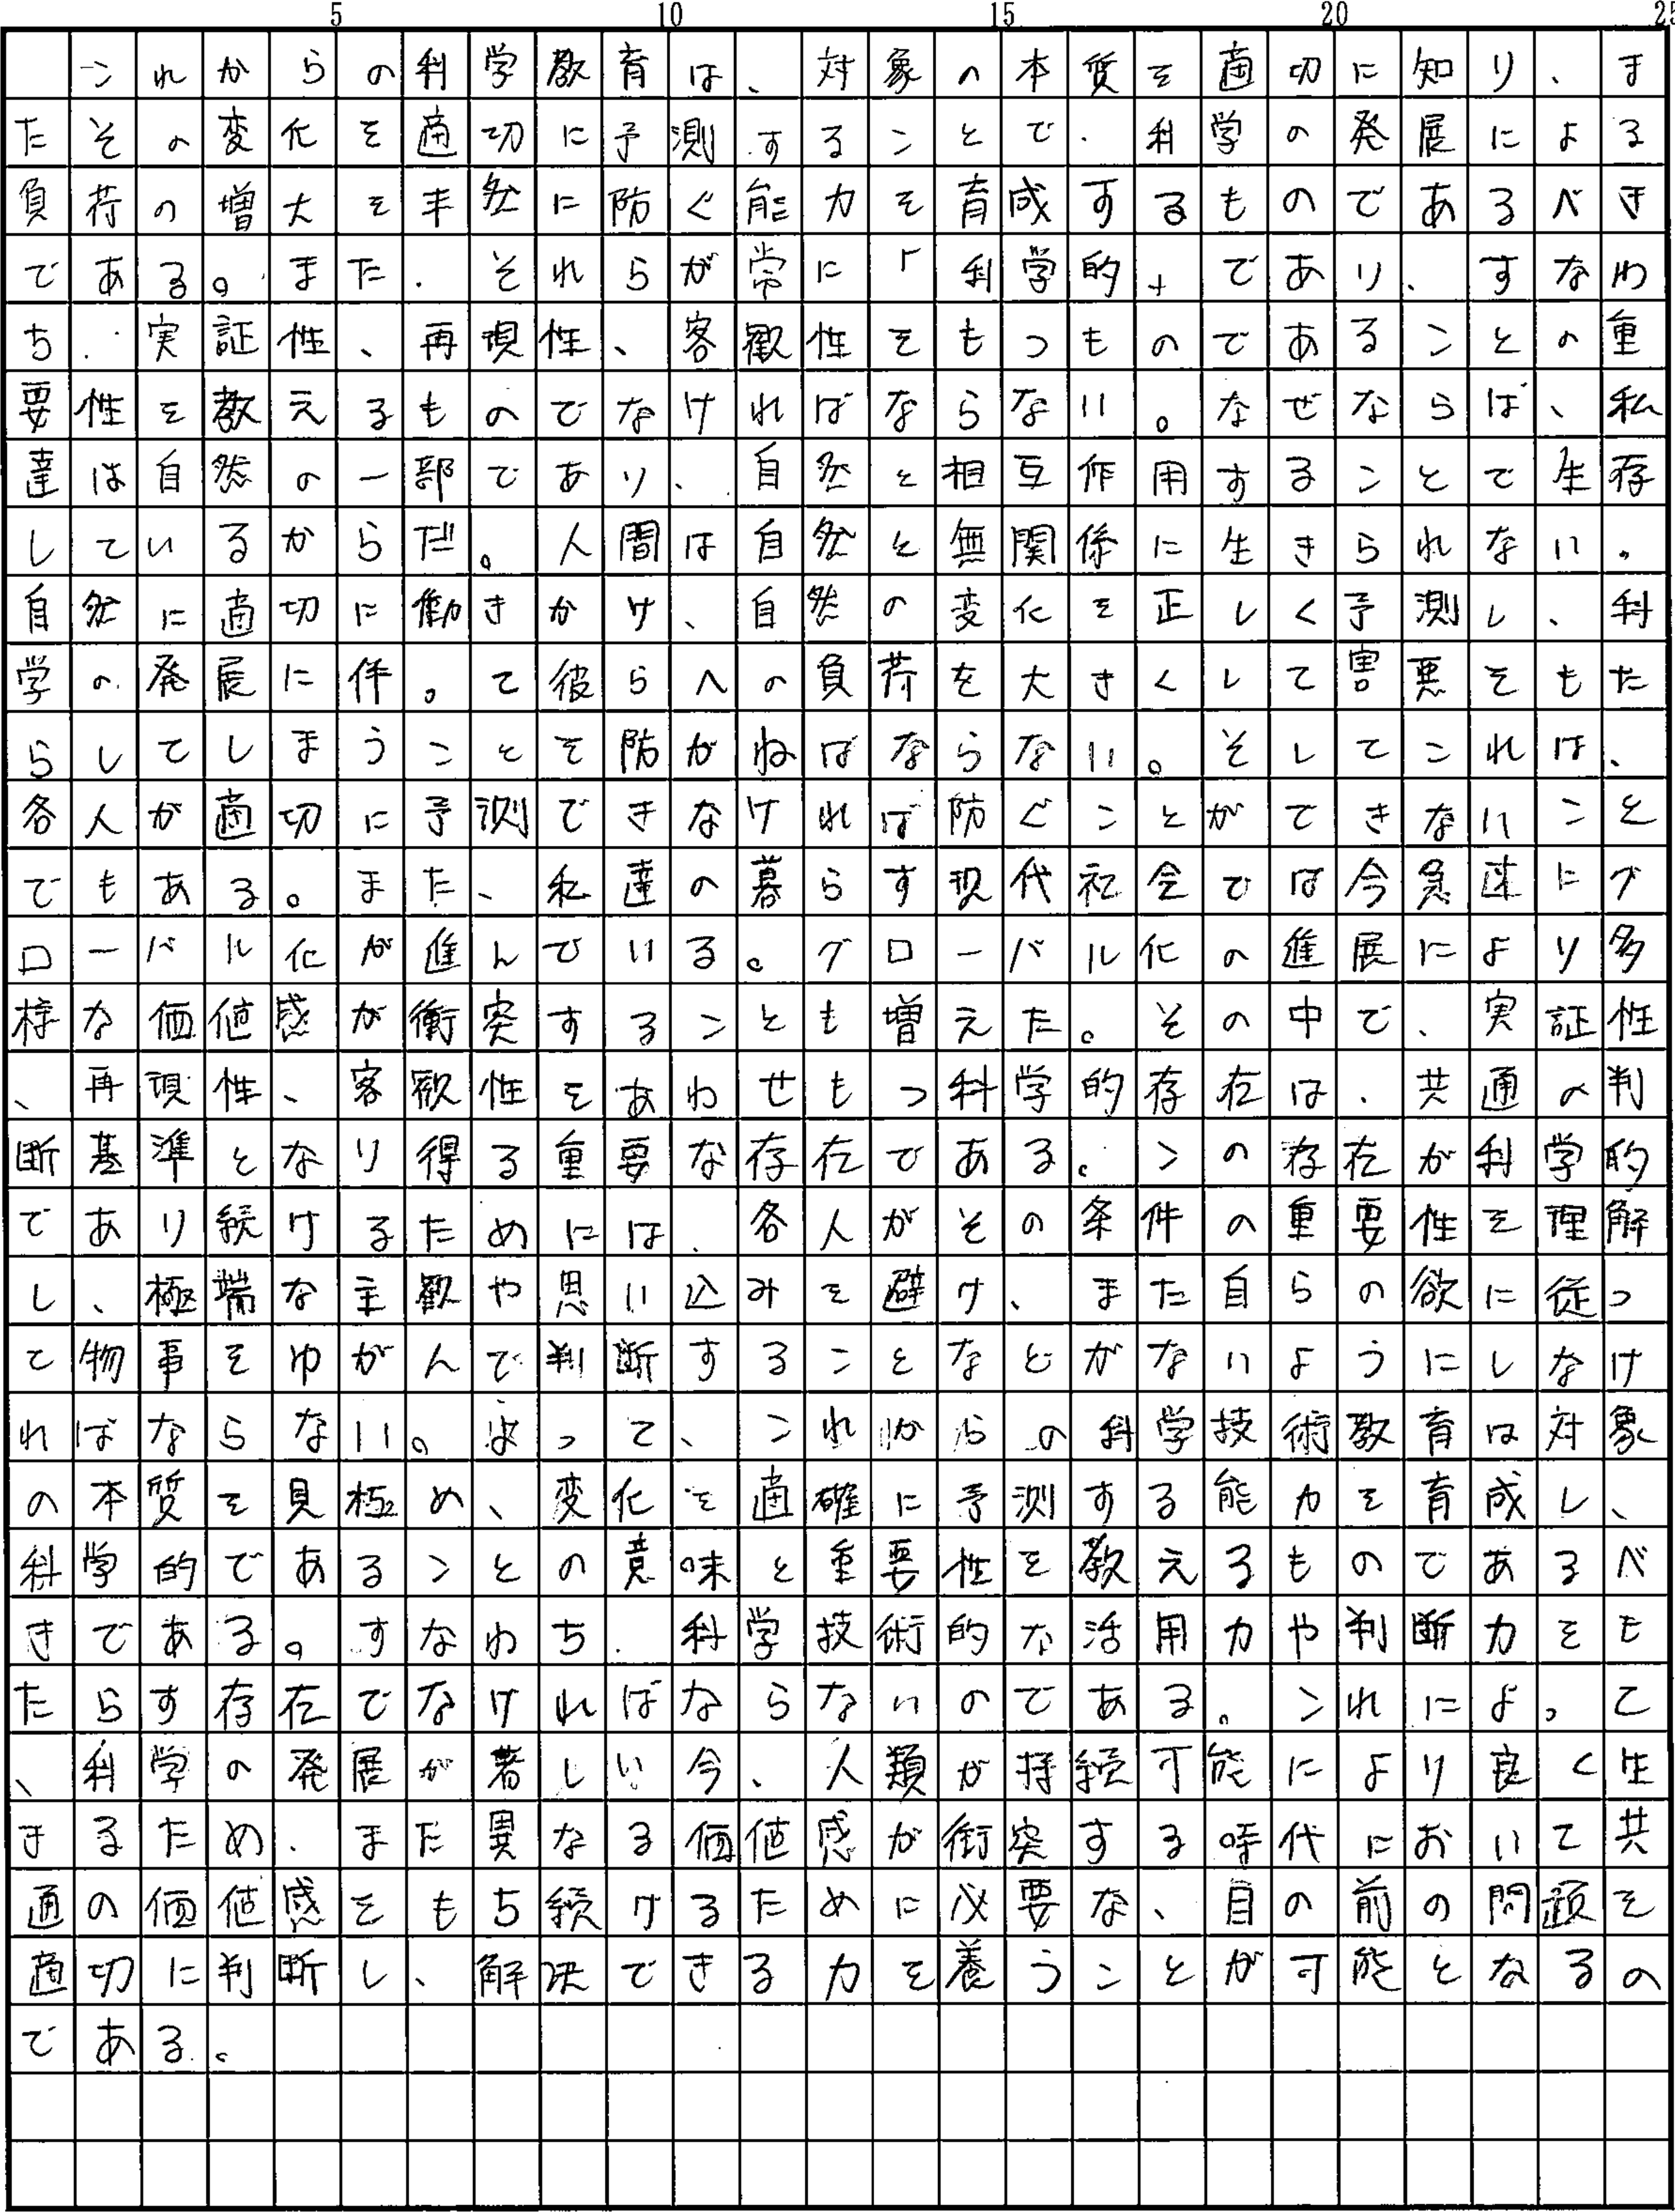　これからの科学教育は、対象の本質を適切に知り、またその変化を適切に予測することで、科学の発展による負荷の増大を未▁に防ぐ能力を育成するものであるべきである。また、それらが常に「科学的」であり、すなわち、実証性、再現性、客観性をもつものであることの重要性を教えるものでなければならない。なぜならば、私達は自然の一部であり、自然と相互作用することで生存しているからだ。人間は自然と無関係に生きられない。自然に適切に働きかけ、自然の変化を正しく予測し、科学の発展に伴って彼らへの負荷を大きくして害悪をもたらしてしまうことを防がねばならない。そしてこれは、各人が適切に予測できなければ防ぐことができないことでもある。また、私達の暮らす現代社会では今急速にグローバル化が進んでいる。グローバル化の進展により多様な価値感が衝突することも増えた。その中で、実証性、再現性、客観性をあわせもつ科学的存在は、共通の判断基準となり得る重要な存在である。この存在が科学的であり続けるためには、各人がその条件の重要性を理解し、極端な主観や思い込みを避け、また自らの欲に従って物事をゆがんで判断することなどがないようにしなければならない。よって、これからの科学技術教育は対象の本質を見極め、変化を適確に予測する能力を育成し、科学的であることの意味と重要性を教えるものであるべきである。すなわち、科学技術的な活用力や判断力をもたらす存在でなければならないのである。これによって、科学の発展が著しい今、人類が持続可能により良く生きるため、また異なる価値感が衝突する時代において共通の価値感をもち続けるために必要な、目の前の問題を適切に判断し、解決できる力を養うことが可能になるのである。
